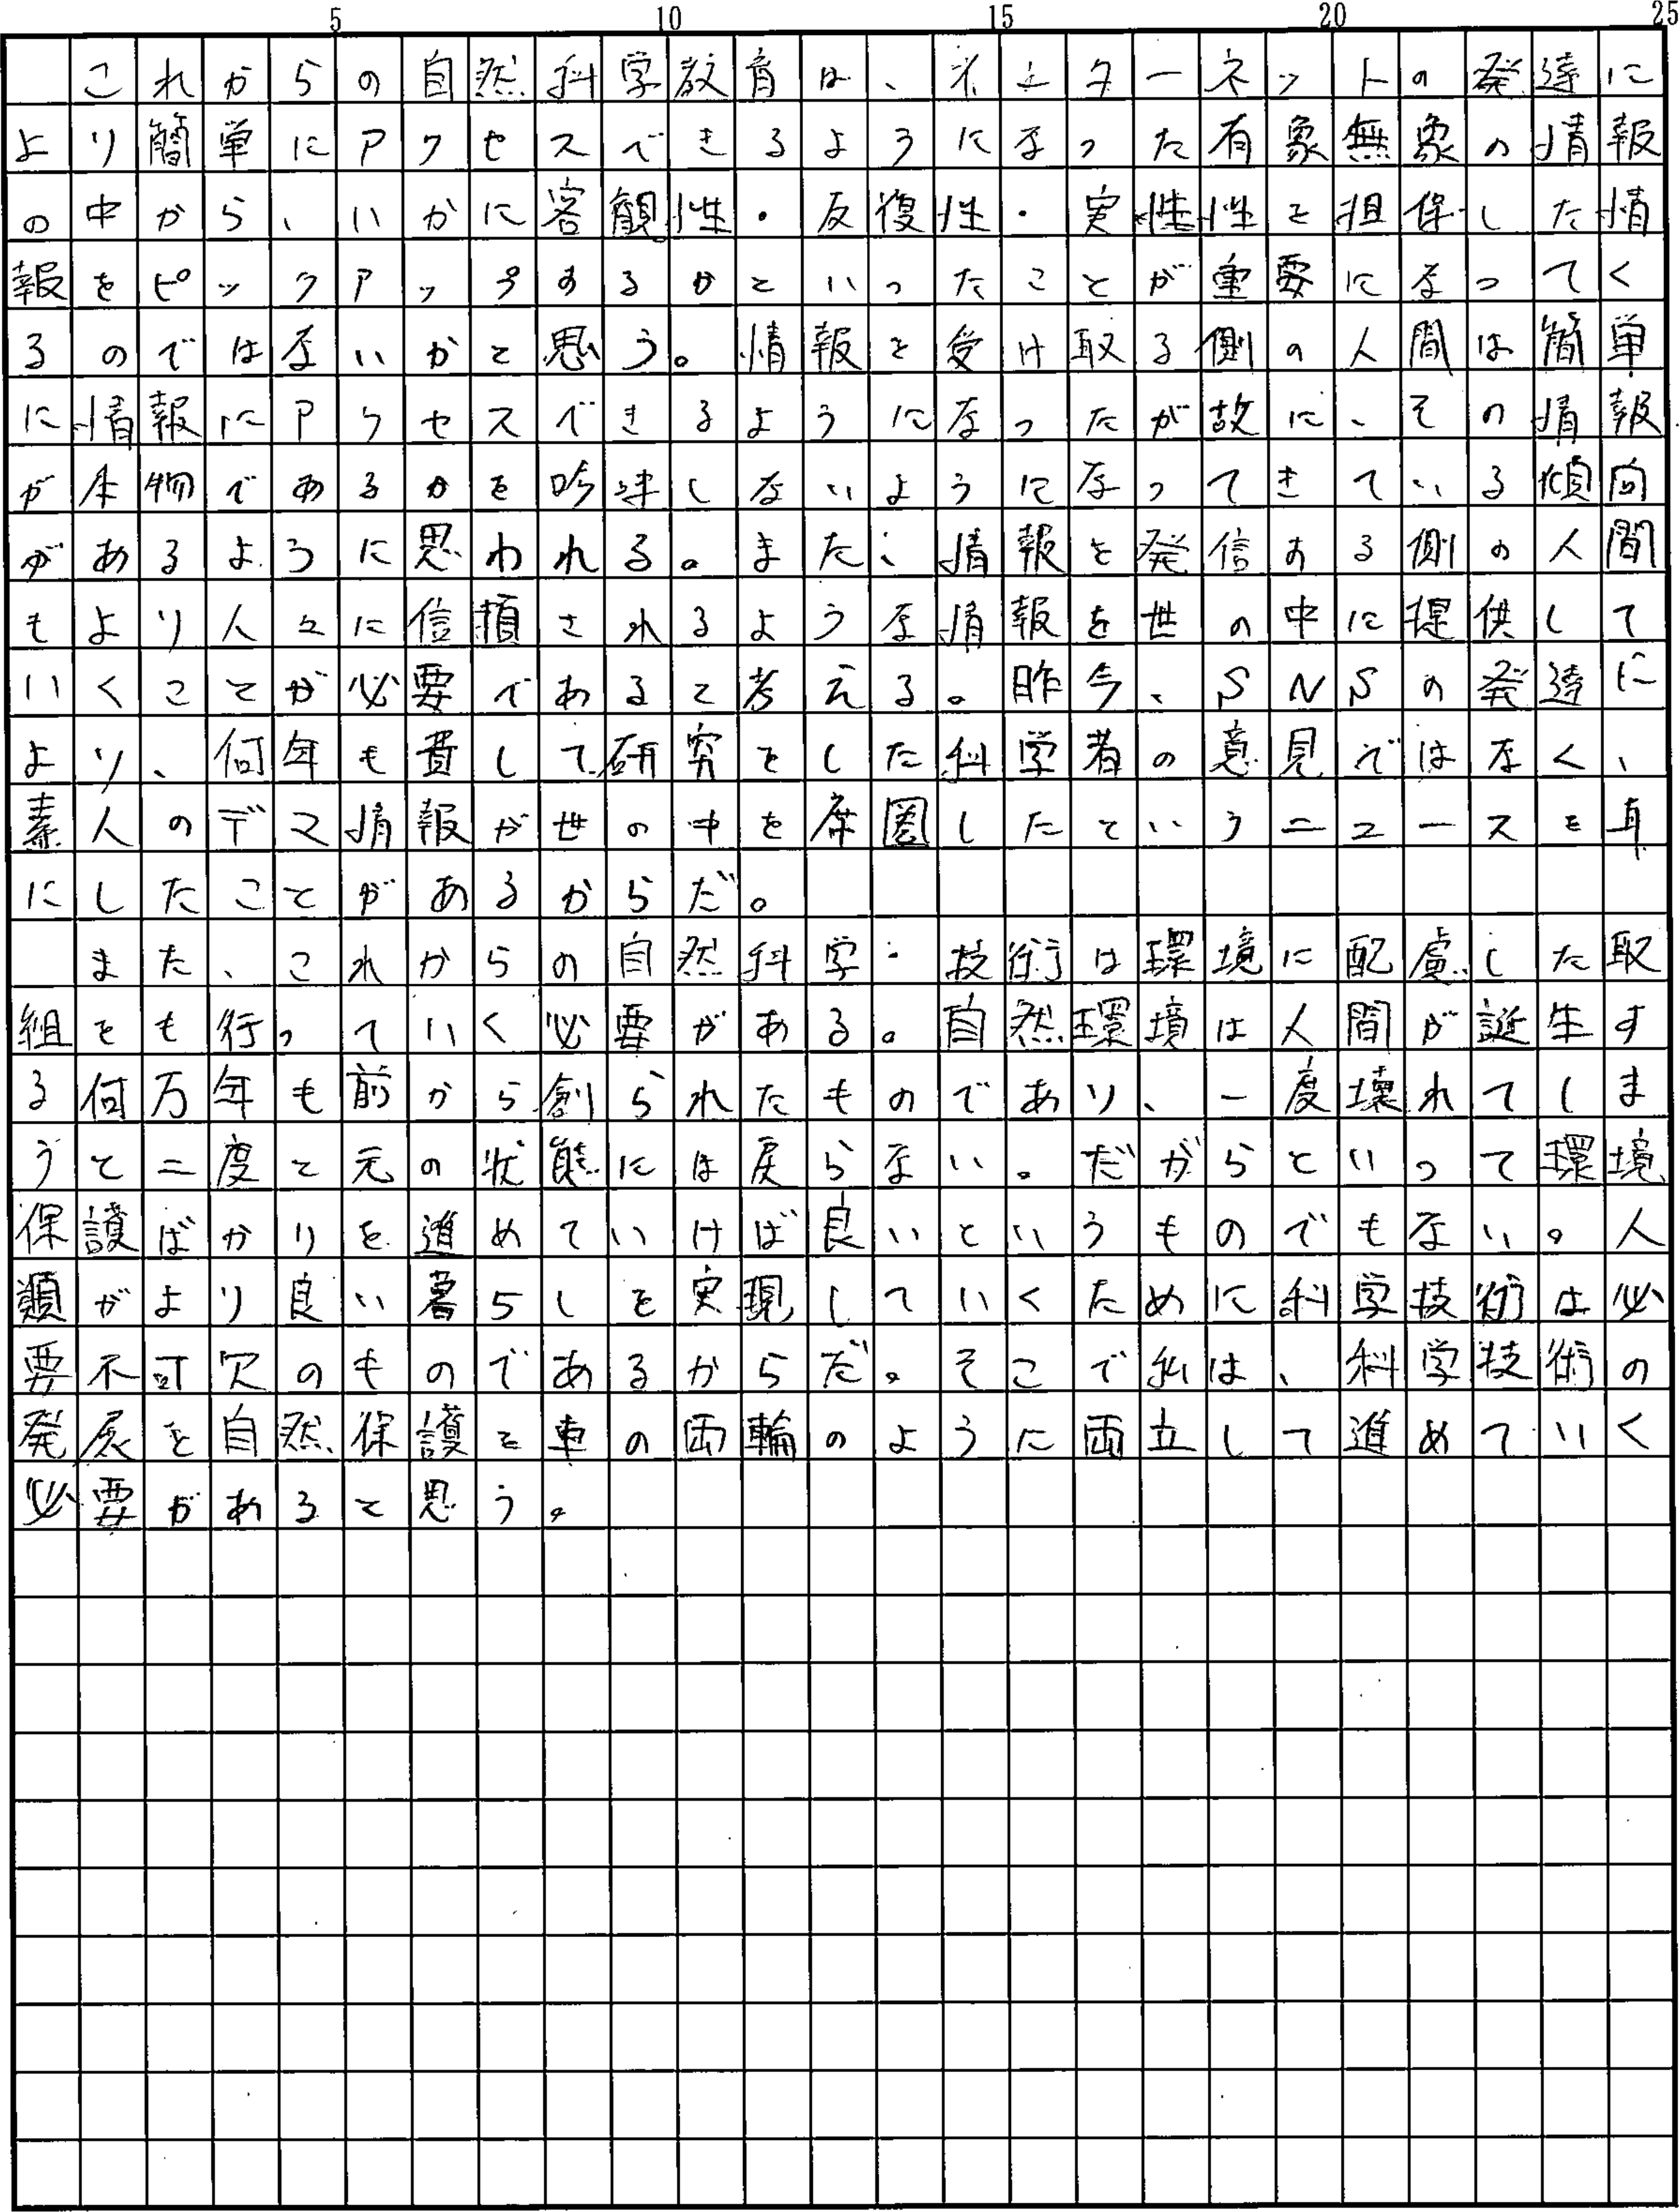　これからの自然科学教育は、インターネットの発達により簡単にアクセスできるようになった有象無象の情報の中から、いかに客観性・反復性・実性性を担保した情報をピックアップするかといったことが重要になってくるのではないかと思う。情報を受け取る側の人間は簡単に情報にアクセスできるようになったが故に、その情報が本物であるかを吟味しないようになってきている傾向があるように思われる。また、情報を発信する側の人間もより人々に信▁されるような情報を世の中に提供していくことが必要であると考える。昨今、ＳＮＳの発達により、何年も費して研究をした科学者の意見ではなく、素人のデマ情報が世の中を席圏したというニュースを耳にしたことがあるからだ。
　また、これからの自然科学・技術は環境に配慮した取組をも行っていく必要がある。自然環境は人間が誕生する何万年も前から創られたものであり、一度壊れてしまうと二度と元の状態には戻らない。だからといって環境保護ばかりを進めていけば良いというものでもない。人類がより良い暮らしを実現していくために科学技術は必要不可欠のものであるからだ。そこで私は、科学技術の発展と自然保護を車の両輪のように両立して進めていく必要があると思う。
